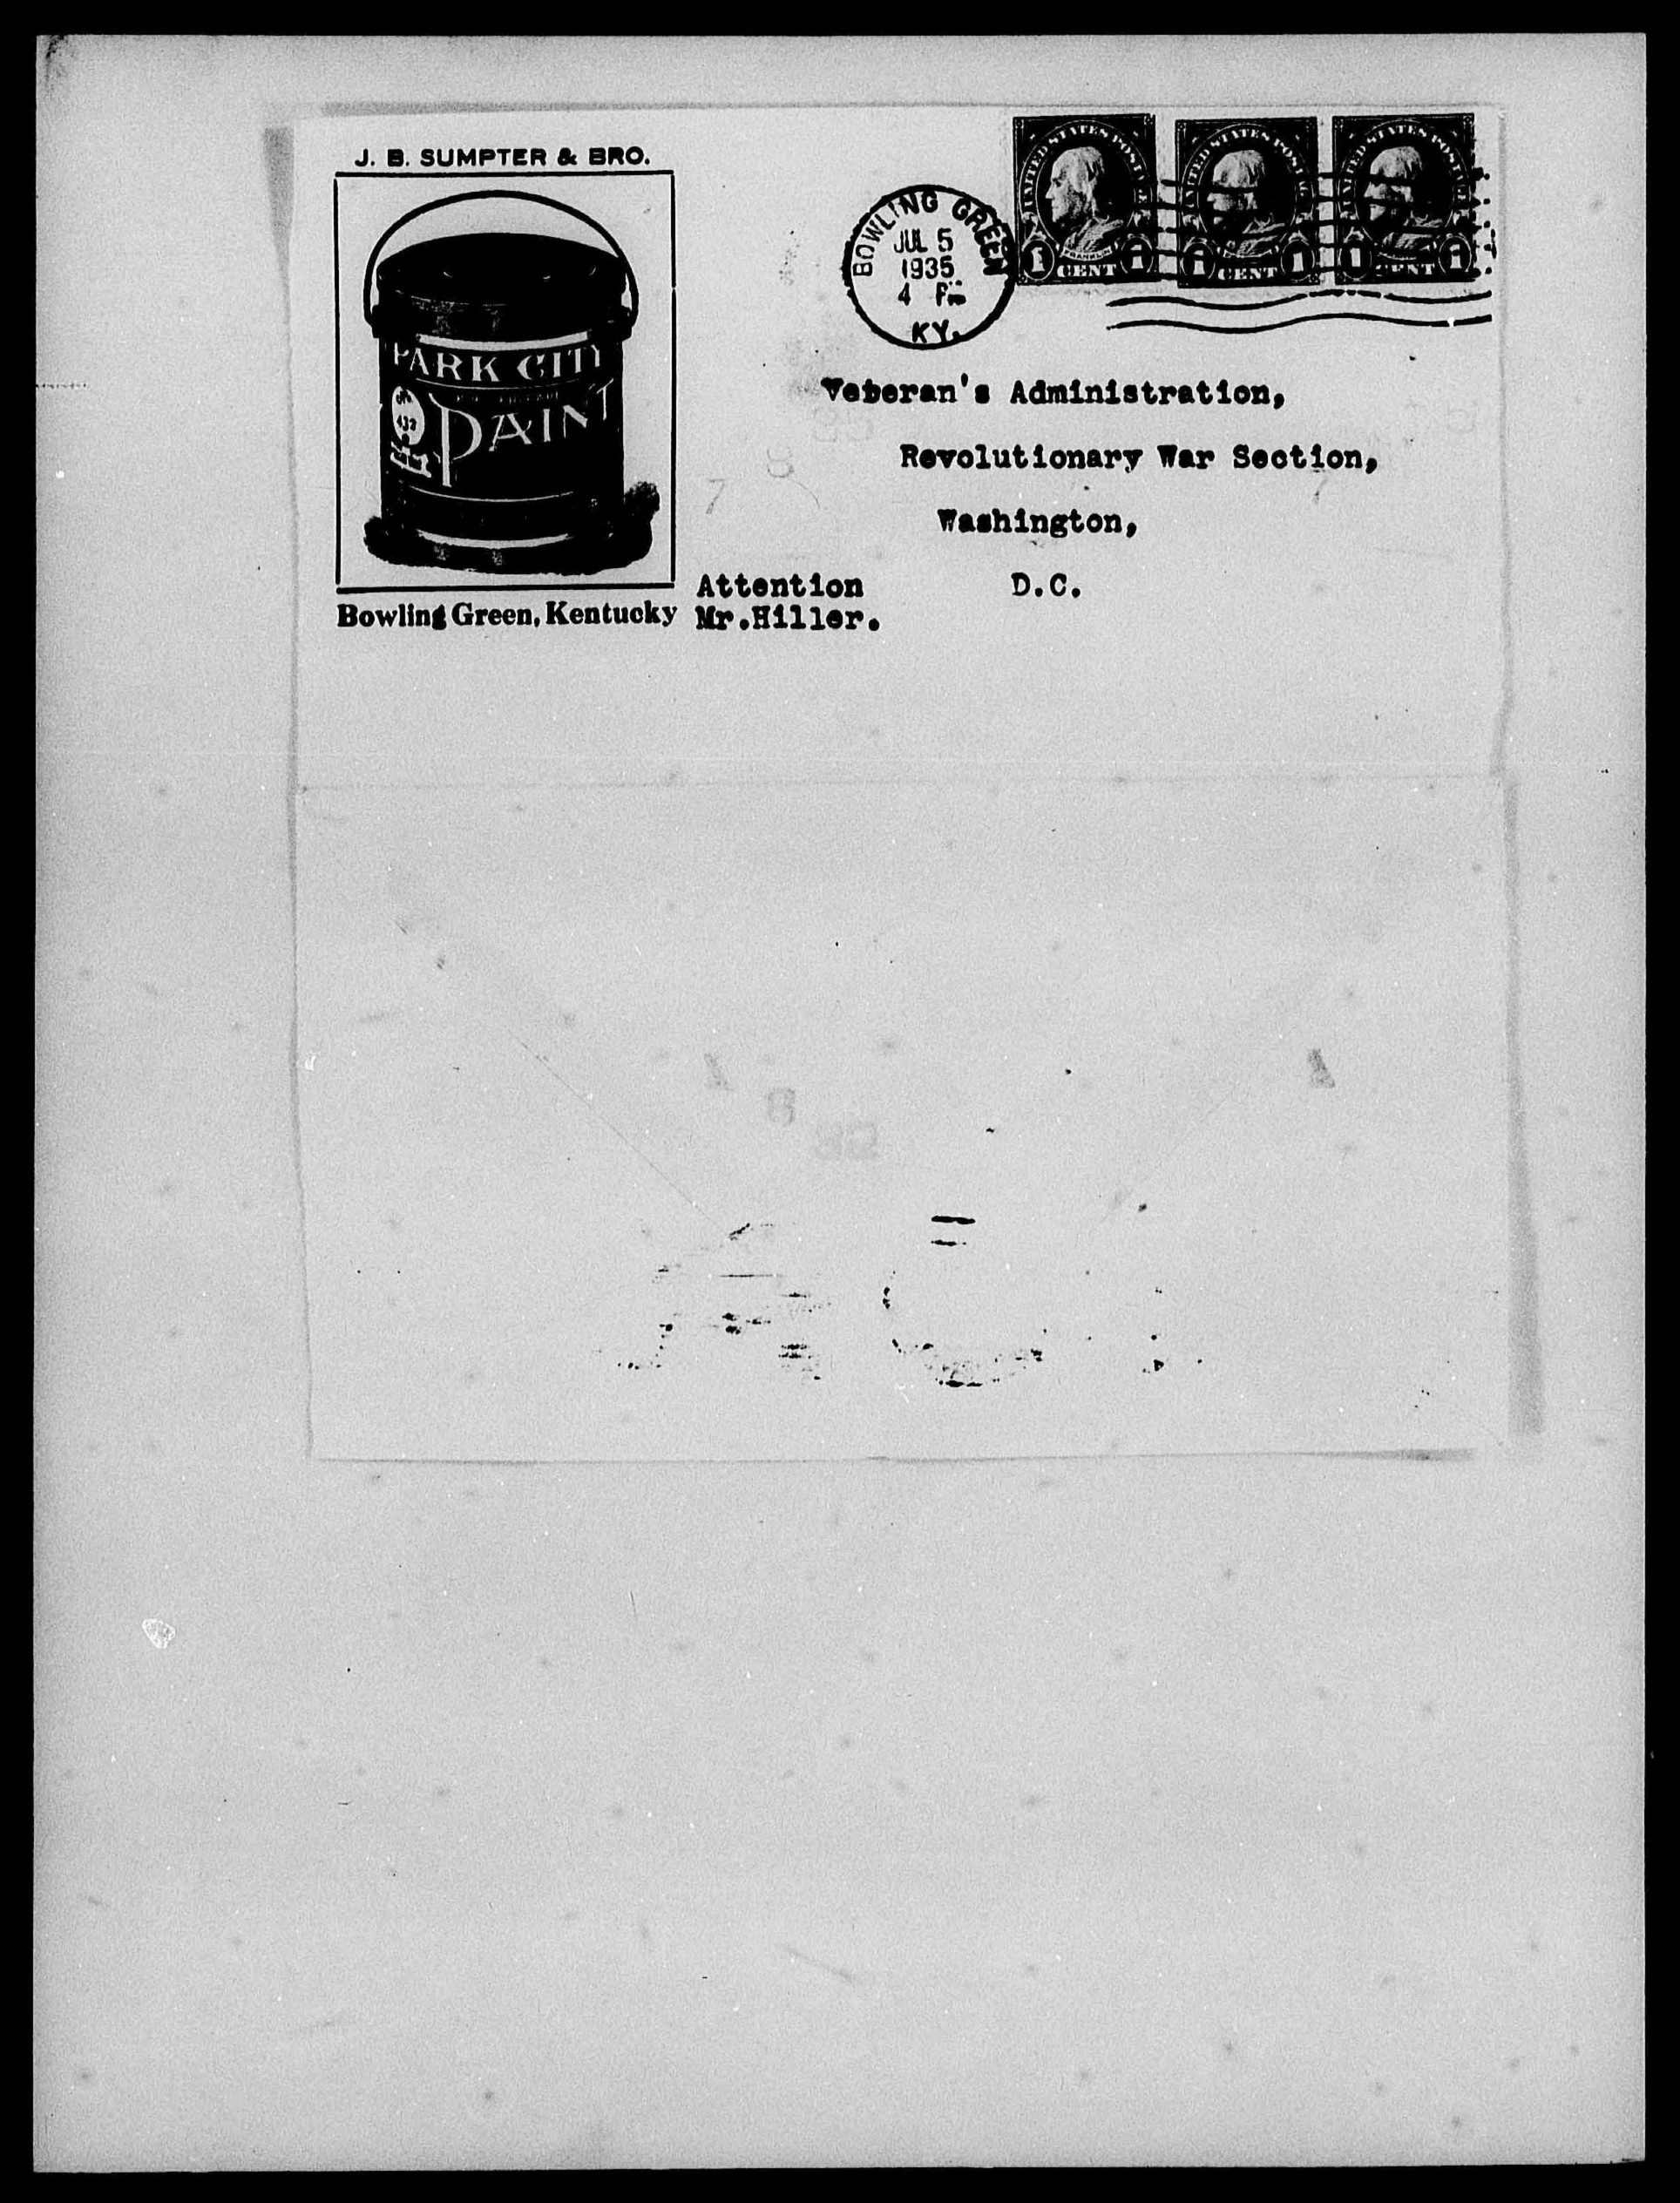J.B. SUMPTER & BRO.
[printed logo of paint can, reading "PARK CITY PAINT"]
Bowling Green, Kentucky

[stamp]
BOWLING GREEN
JUL 5
1935
4 PM
KY.

[postcard cancelled postage in upper right corner as follows--3 identical stamps in a single row]
US POSTAL CARD
ONE CENT
1 JEFFERSON 1

Veterans Administration,
Revolutionary War Section,
Washington,
D.C.

Attention 
Mr.Hiller.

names: [BLANK] Hiller; J B Sumpter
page: 21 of 38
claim: survivor's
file: S. 43181, for Ezekiel Stone, New Hampshire